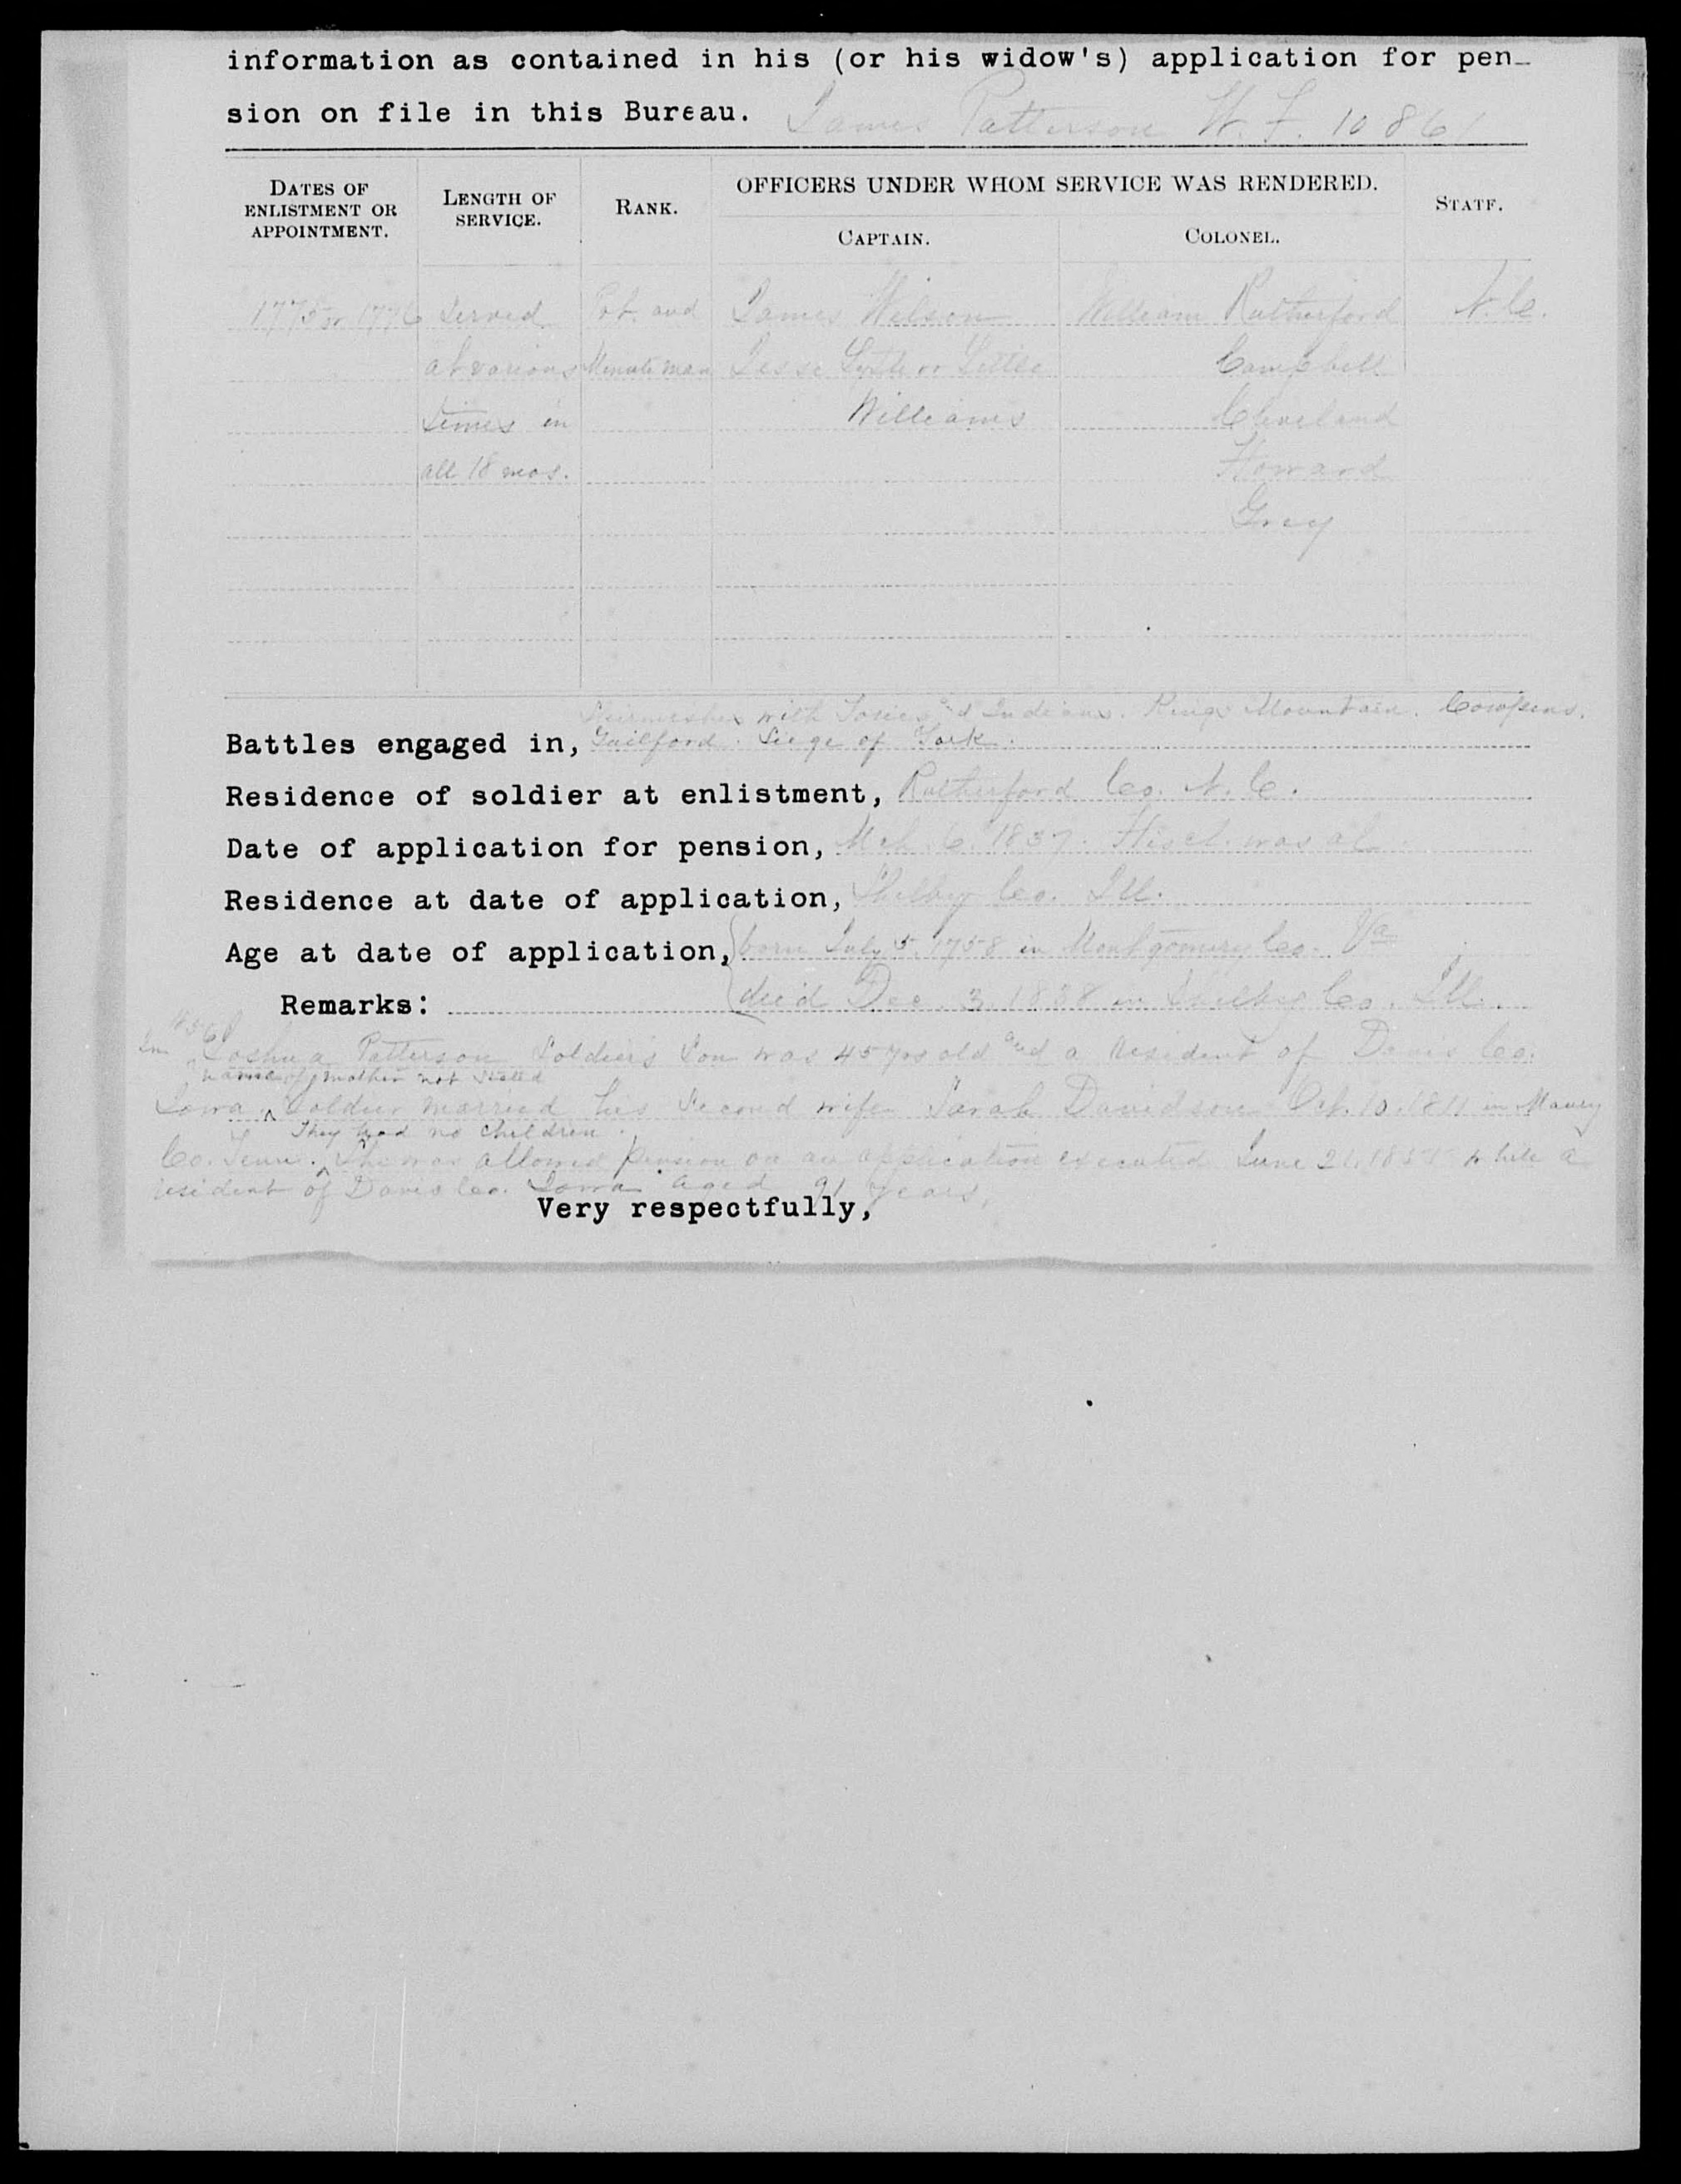information as contained in his (or his widow's) application for pension on file in this Bureau.

James Patterson W.F. 10861

DATES OF	    LENGTH OF	RANK	OFFICERS UNDER WHOM SERVICE WAS RENDERED.	STAFF
ENLISTMENT OR    SERVICE.		CAPTAIN.		COLONEL.
APPOINTMENT.
1775 or 1776	    served  at	Pvt and	   James Wilson		William Rutherford		N.C
    Various	minuteman Jesse Lytle or		Campbell
    times in 		        Williams			Cleveland
    all 18 mos.						Howard
							Gray

Battles engaged in, Skirmishes with Tories & Indians, Kings Mountain, Cowpens, Guilford, Siege of York.
Residence of soldier at enlistment, Rutherford Co. N.C. 
Date of application for pension, Mar 6, 1837 [illegible xxxxx] 
Residence at date of application, Shelby Co. Ill. 
Age at date of application, born July 5, 1758 in Montgomery Co, VA. Died Dec 3, 1838 in Shelby Co. Ill.
Remarks: 
[illegible xxx] Joshua Patterson Soldiers son was 45 yrs old and a resident of Davis Co. Iowaname of Joshua not stated Soldier married his second wife Sarah Davidson Oct 10, 1811 in Muray Co, Tenn. They had no children. She was allowed pension on an application executed June 28, 1855 while a resident of Davis Co. Iowa aged 91 years.
Very respectfully,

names: Jesse Little; [BLANK] Williams; James Patterson; James Wilson; Joshua Patterson; [BLANK] Howard; [BLANK] Cleveland; Sarah Davidson; [BLANK] Gray; William Rutherford; Jesse Lytle; [BLANK] Campbell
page: 66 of 69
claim: widow's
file: W. 10861, for James Patterson, North Carolina